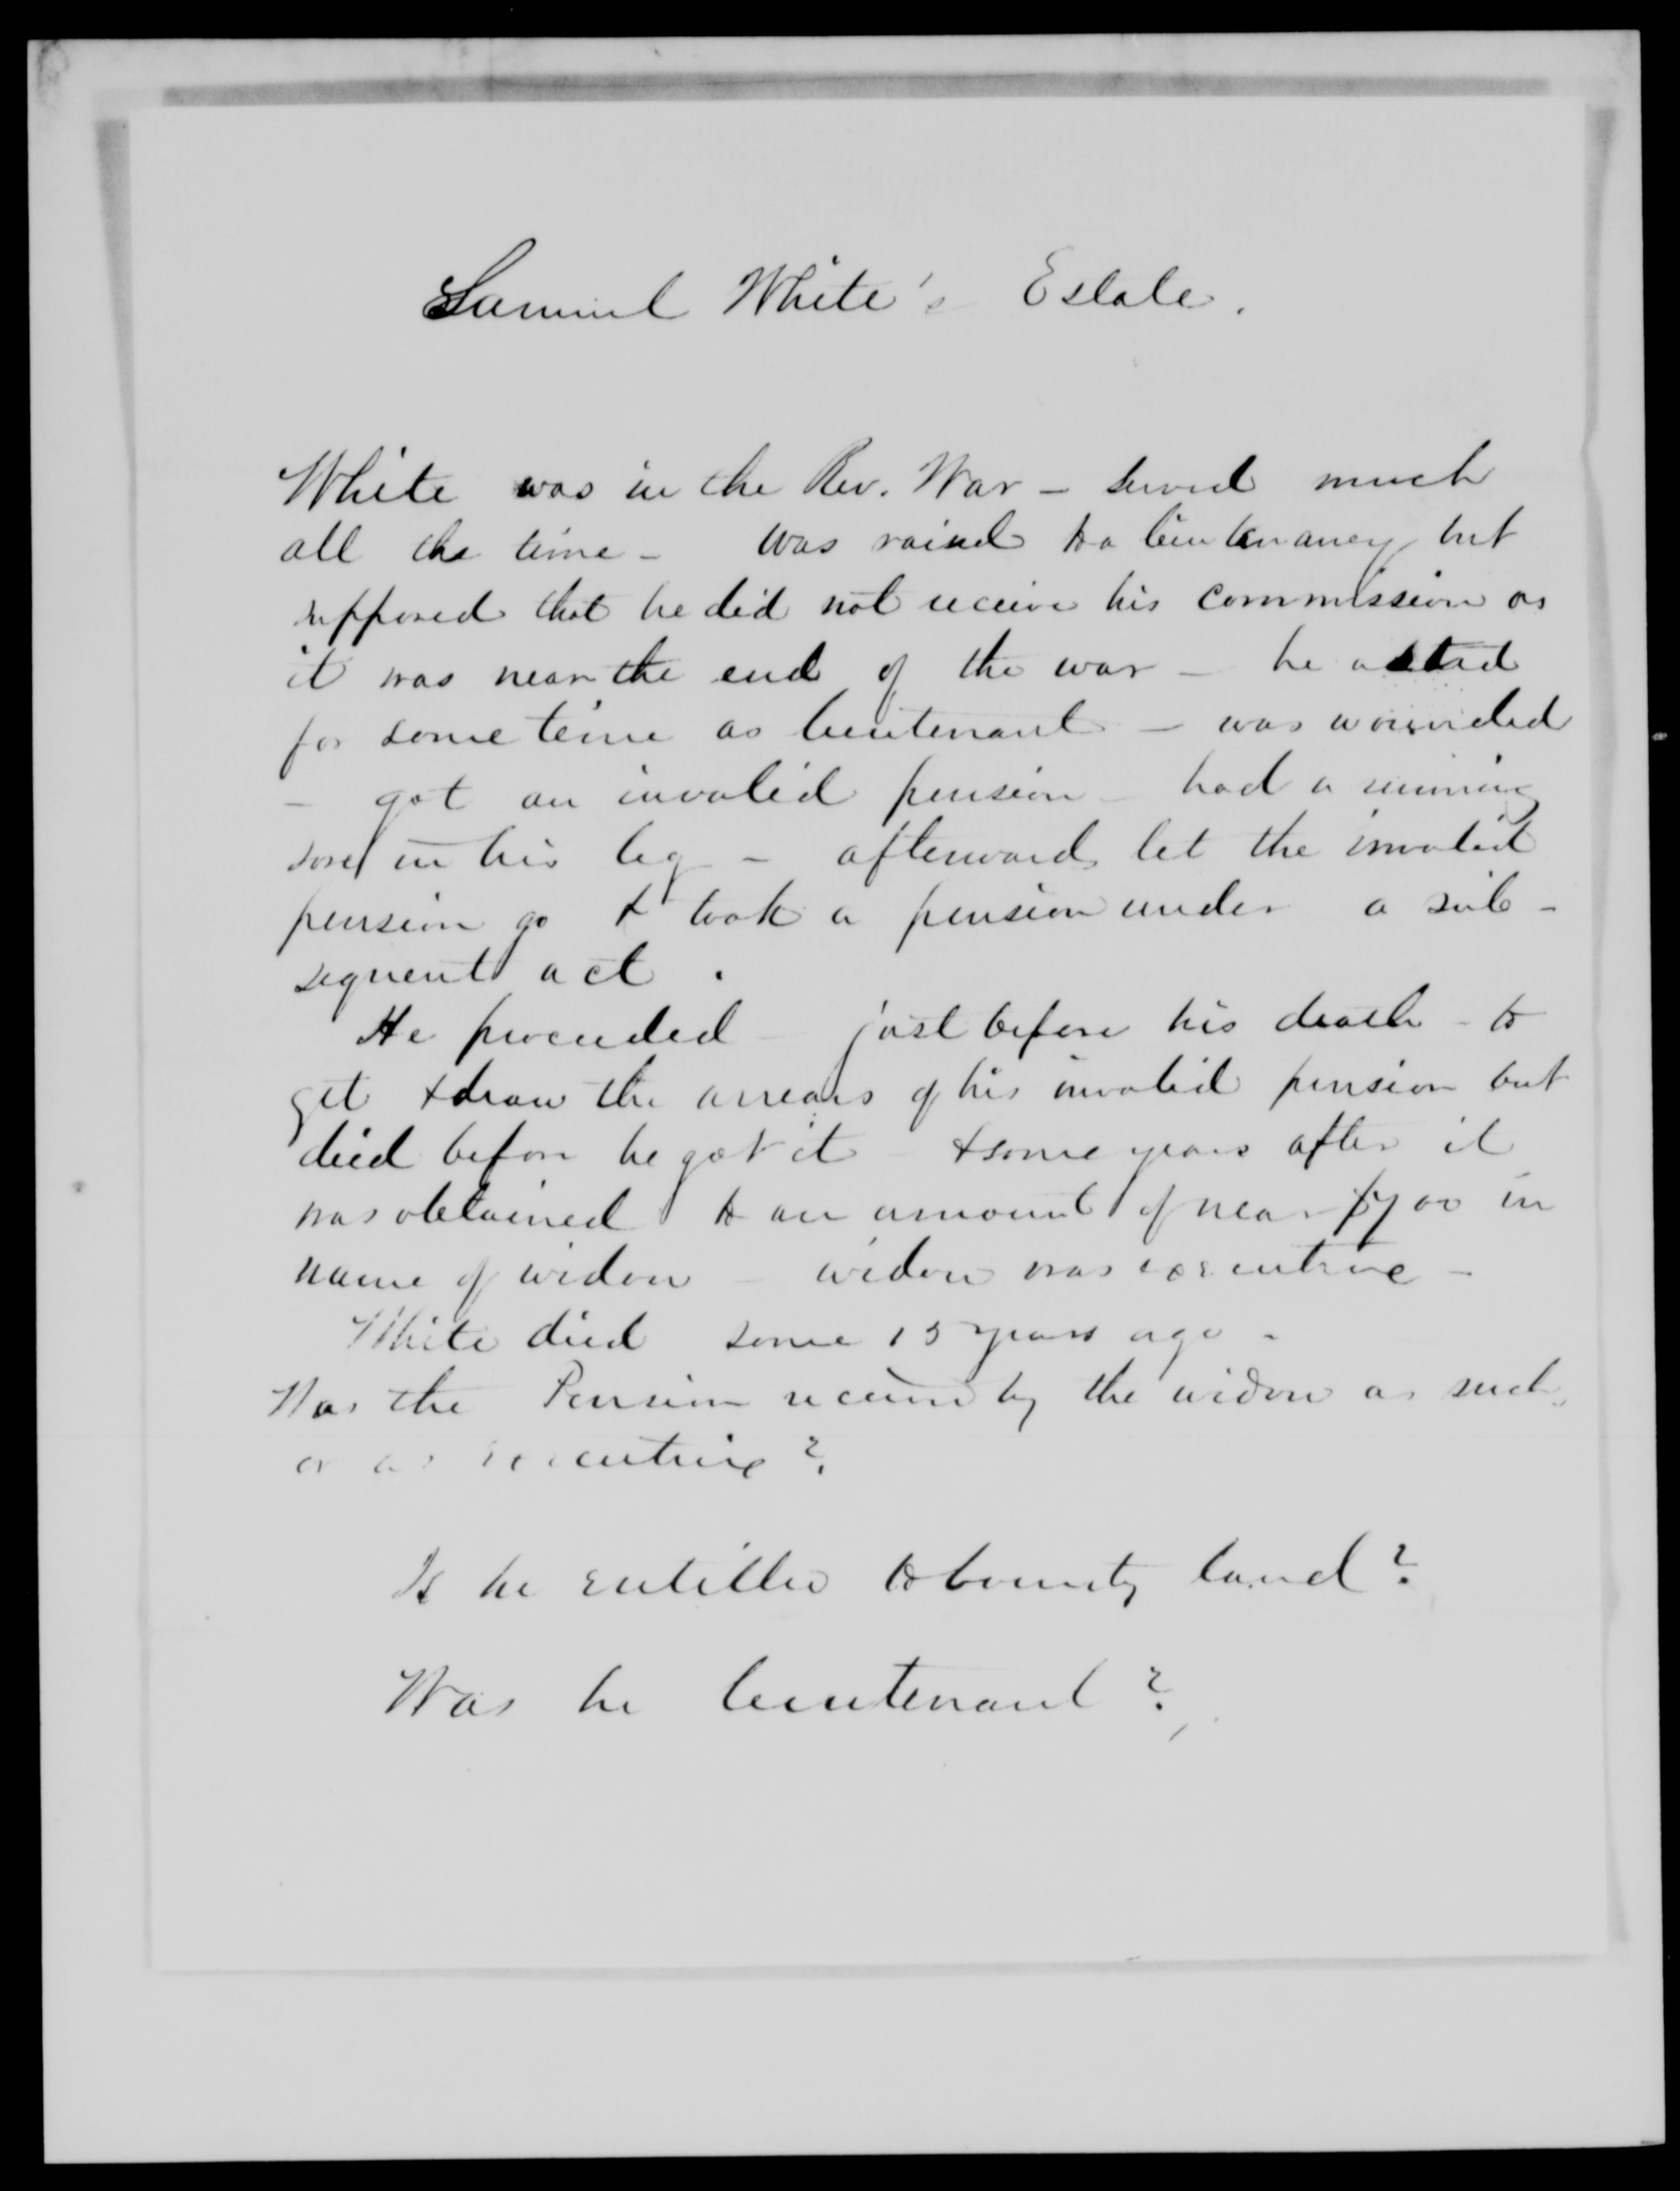Samuel White's Estate

White was in the Rev. War-served much all the time-was raised to a lieutenancy but supposed that he did not receive his commission or it was near the end of the war. He acted for some time as lieutenant-was wounded-got an invalid pension--had a running sore in his leg--afterwards let the invalid pension go & took a pension under a subsequent act. he proceeded just before his death to get & draw the arrears of his invalid pension but died before he got it & some years after it was obtained to an amount of near $700. in name of widow--widow was co-executive.
White died some 15 years ago. Has the Pension received by the widow as such or as executive?
Is he entitled to bounty land?
Was he lieutenant?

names: Samuel White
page: 26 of 79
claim: survivor's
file: S. 11759, Samuel White, Mass.